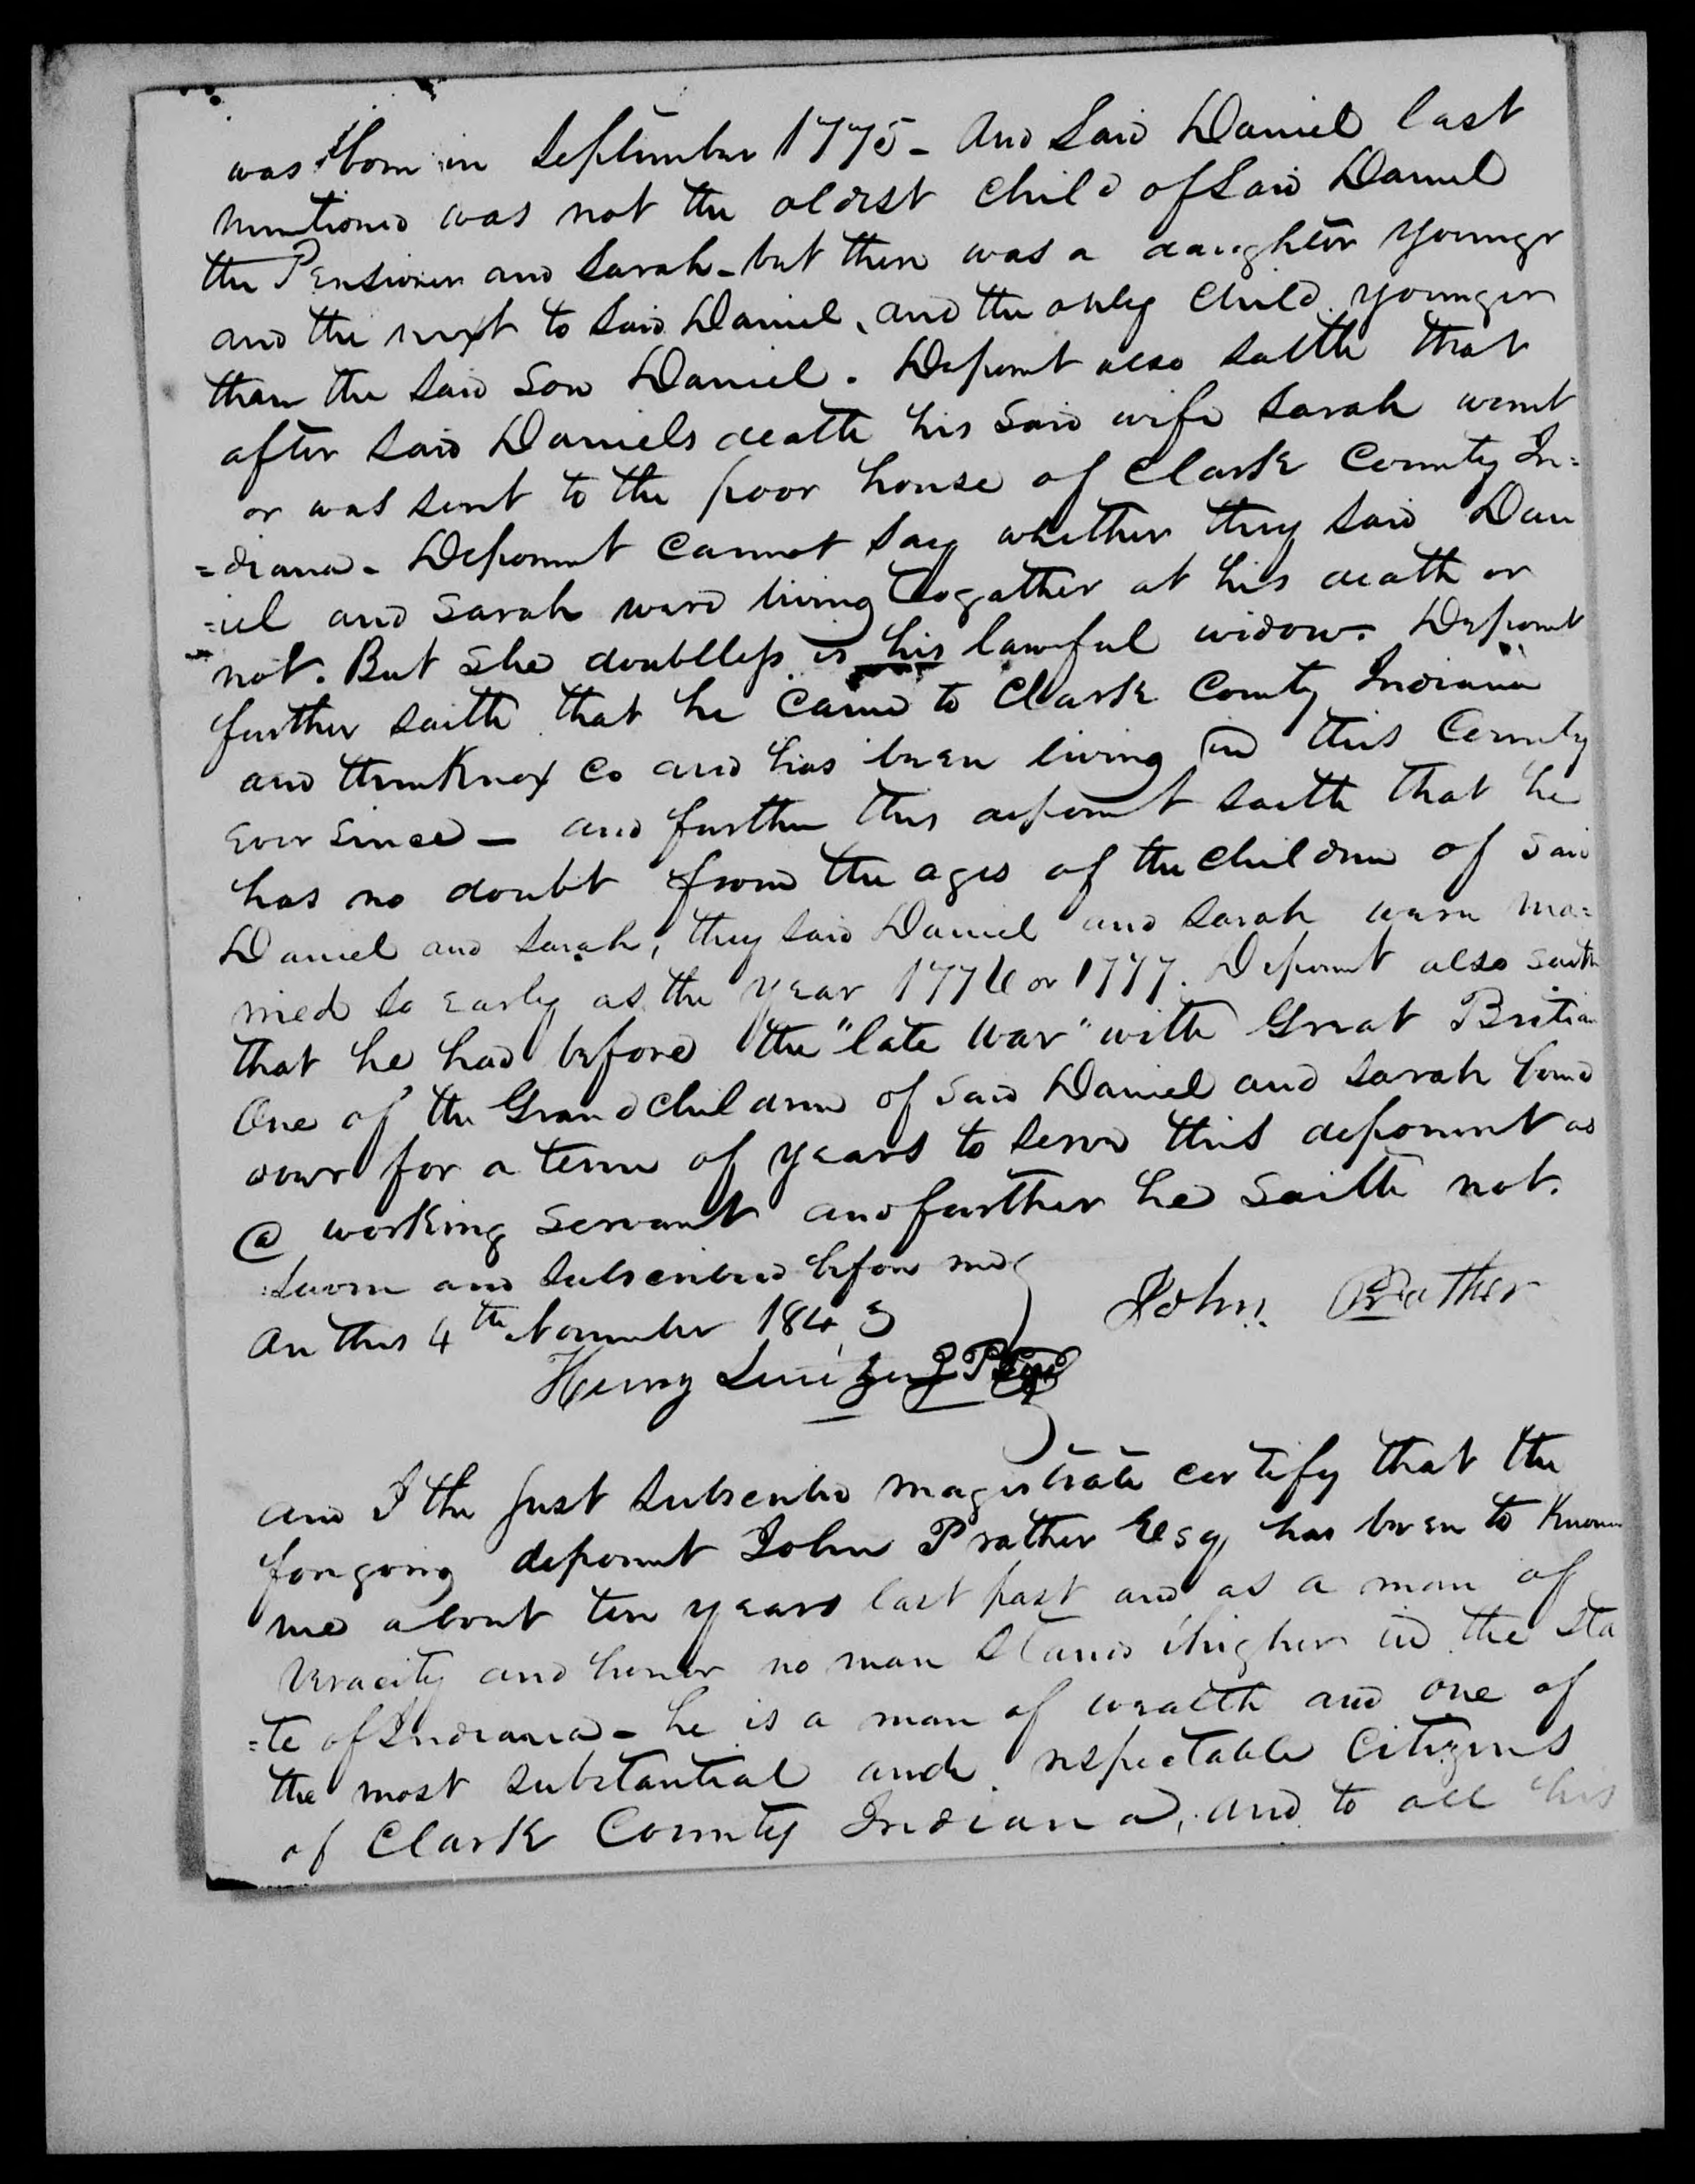was born in September 1775 and said Daniel last mentioned was not the oldest child of said Daniel the Pensioner and Sarah - but there was a daughter younger and the next to said Daniel and the only child younger than the said son Daniel. Deponent also saith that after said Daniels death his said wife Sarah went or was sent to the poor house of Clark County Indiana. Deponent cannot say whether the said Daniel and Sarah were living together at his death or not, but she doubtless is his lawful widow. Deponent further saith that he came to Clark County Indiana and then Knox Co and has been living in this county ever since - and further this deponent saith that he has no doubt from the ages of the children of said Daniel and Sarah they said Daniel and Sarah were married as early as the year 1776 or 1777. Deponent also saith that he has before the "late war" with Great Britain one of the grandchildren of said Daniel and Sarah bound over for a term of years to serve this deponent as a working servant and further, he saith not.
[signed] John Prather

Sworn and subscribed before me on this 4th November 1845
[signed] Henry Surtzer JP {seal}

And I the just subscribed magistrate certify that the foregoing deponent John Prather Esq has been to know me about ten years last past and as a man of veracity and honor no man stands higher in the state of Indiana - he is a man of wealth and one of the most substantial and respectable citizens of Clark County Indiana and to all his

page: 73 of 78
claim: widow's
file: W. 25,169, for Daniel Sullivan, Maryland